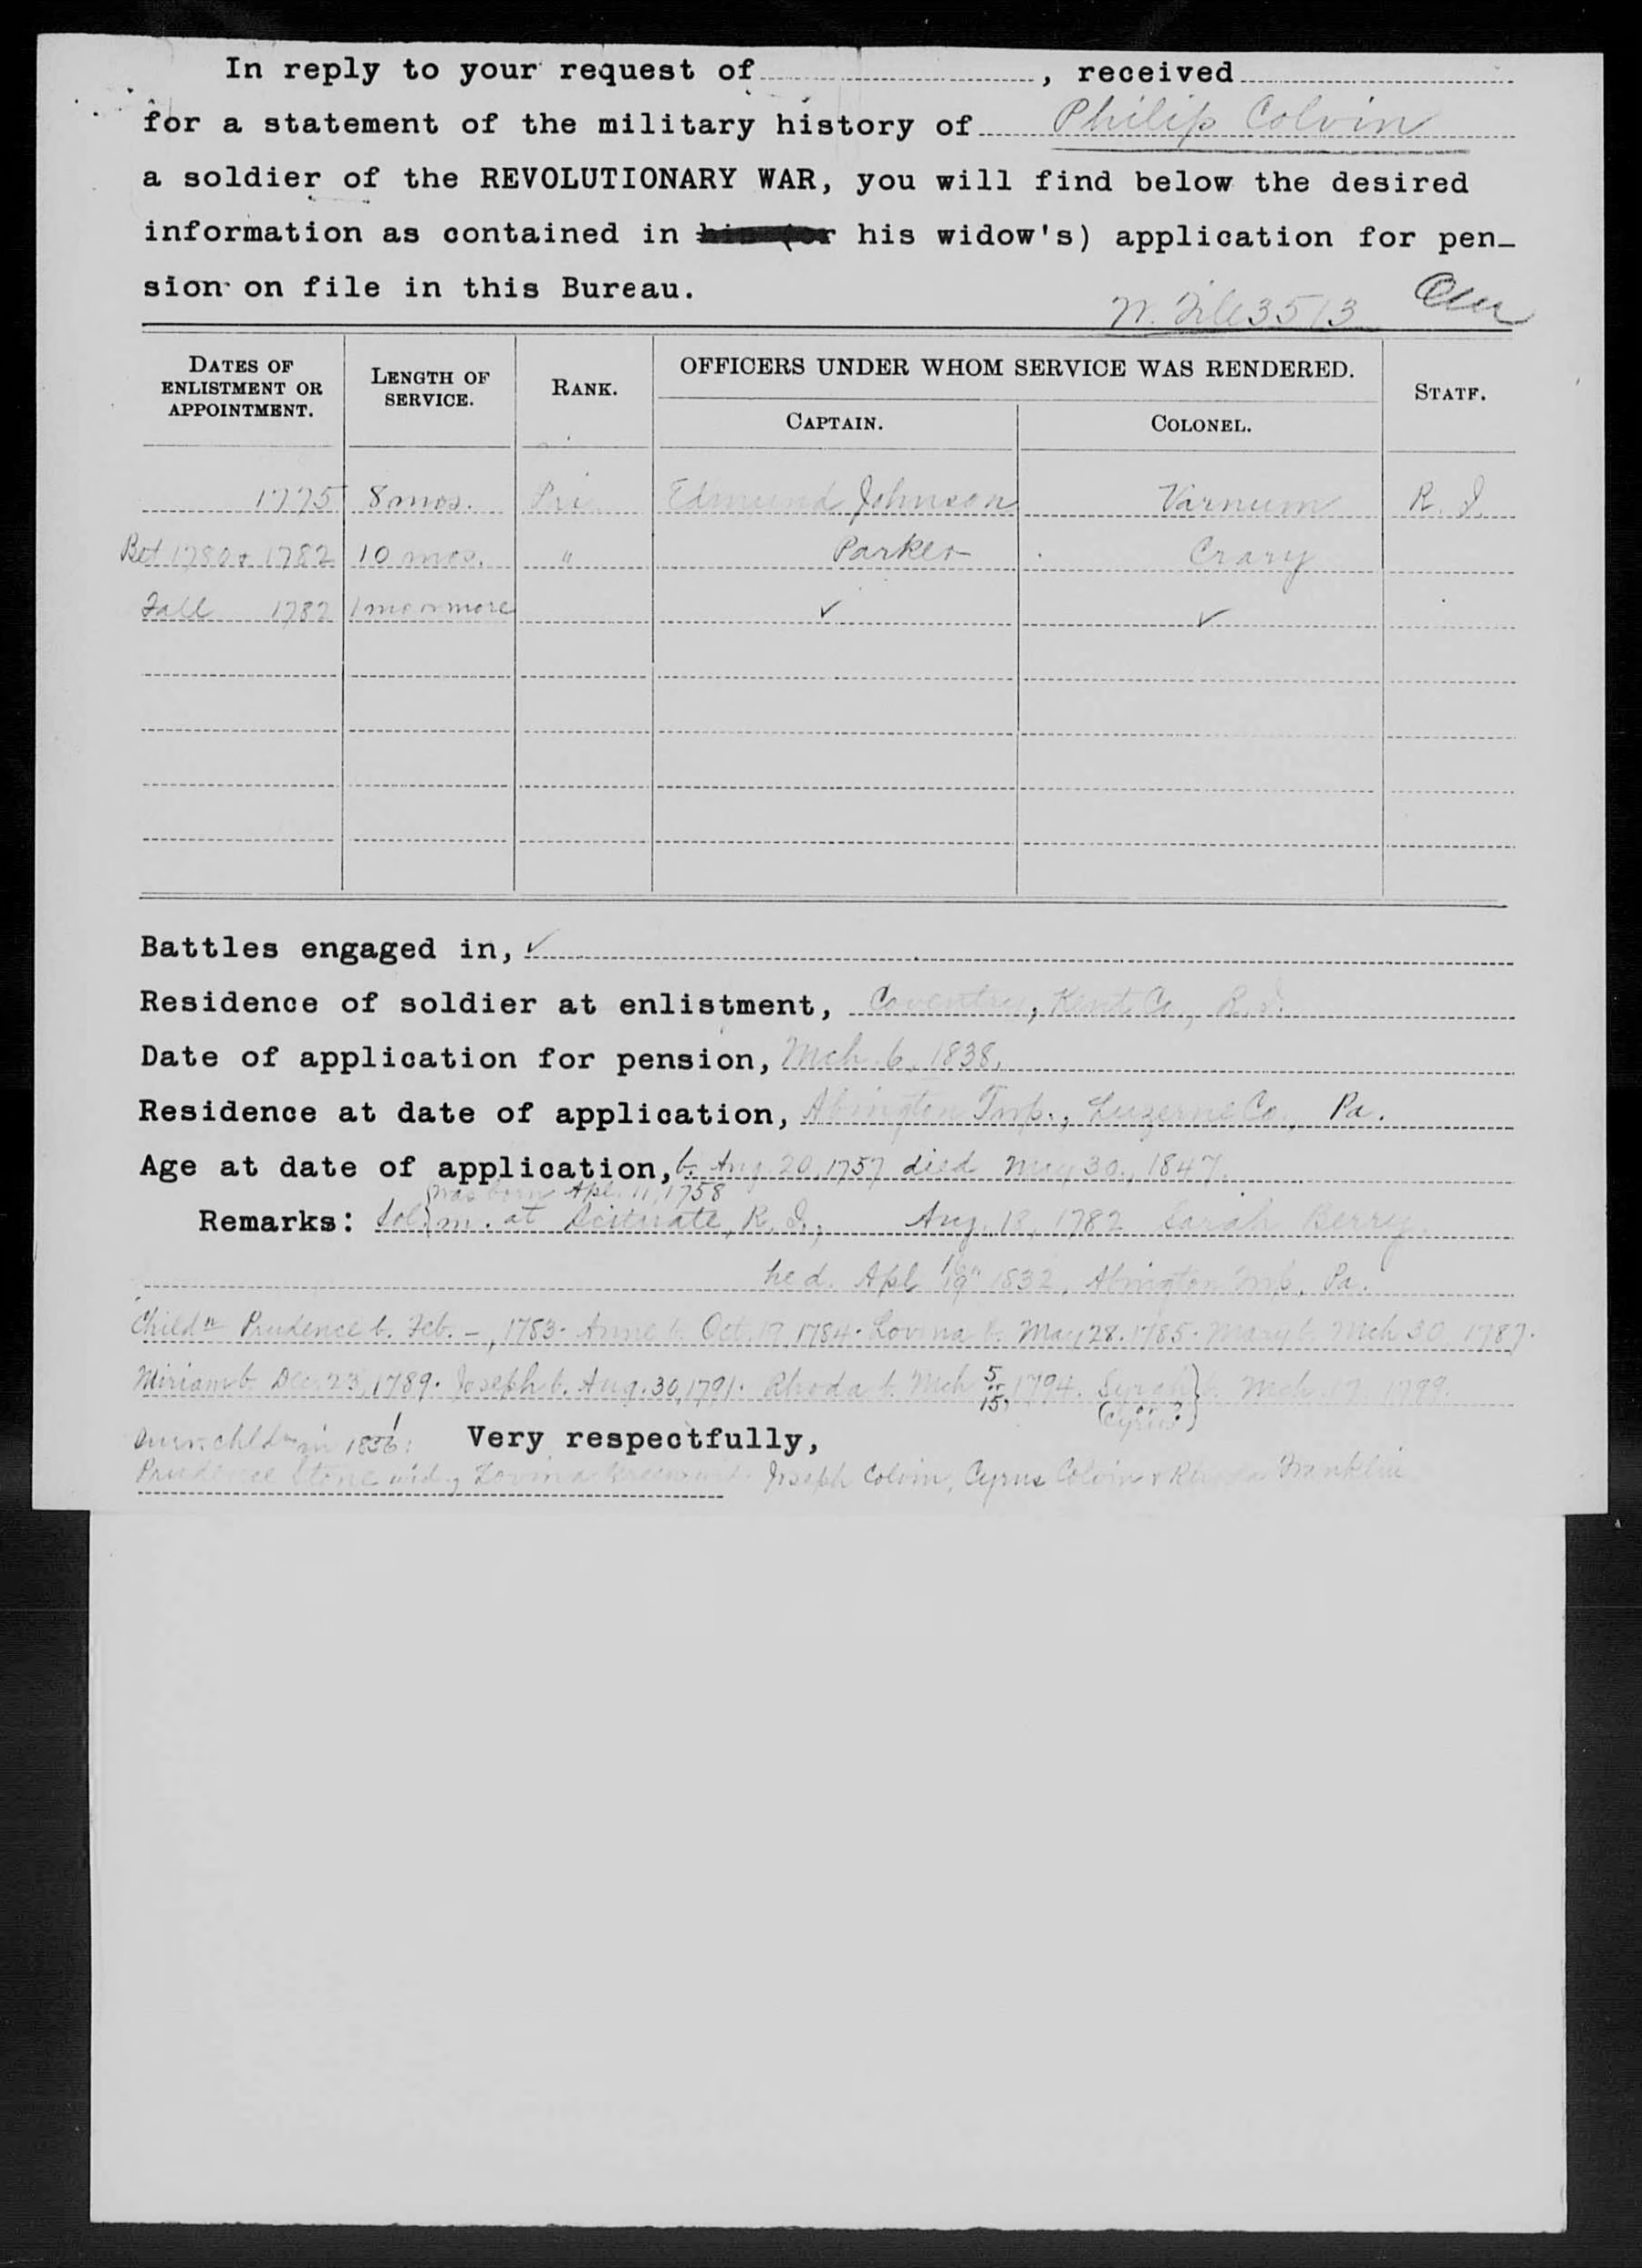In reply to your request of ____, received ____ for a statement of the military history of Philip Colvin a soldier of the Revolutionary War, you will find below the desired information as contained in his widow's application for pension on file in this Bureau.
W. File 3513

Dates of Enlistment or Appointment. 1775
Length of Service. 8 mos
Rank. Pri
Officers under whom service was rendered. Captain Edmund Johnson, Colonel Varnum
State. R.I.

Dates of Enlistment or Appointment. Bet 1780 & 1782
Length of Service. 10 mos.
Rank. Pri
Officers under whom service was rendered. Captain Parker, Colonel Crary
State.

Dates of Enlistment or Appointment. Fall 1782
Length of Service. 1 mo or more
Rank.
Officers under whom service was rendered. Captain Parker, Colonel Crary
State.

Battles engaged in
Residence of soldier at enlistment, Coventry, Kent Co, R.I.
Date of application for pension, Mch 6 1838
Residence at date of application, Abington Twp. Luzerne Co., Pa.
Age at date of application, b. Aug 20 1757 died May 30, 1847
Remarks: Sol. was born Apl 11, 1758 m. at Sirtarate, R.I. Aug. 18, 1782 Sarah Berry
[illegible] Apl 16 1832, Abington Twp, Pa.
Child Prudence b. Feb. 1783, Anne b. Oct. 17 1784, Lovina b. May 28, 1785, Mary b. Mch 30, 1787, Miriam b. Dec. 23, 1789, Joseph b. Aug. 30, 1791, Rhoda b. Mch 5 or 15, 1794, Sarah (or Cyrus) b. Mch 7, 1799. 
Our chldn. in 1856: Prudence Stone wid, Lovina Green wid., Joseph Colvin, Cyrus Colvin & Rhoda Franklin

Very respectfully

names: Joseph Colvin, Rhoda, Philip Colvin, Parker, Joseph, Sarah Berry, Lovina, Miriam, Cyrus Colvin, Mary, Crary, Anne, Edmund Johnson, Sarah, Varnum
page: 14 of 41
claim: widow's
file: W. 3513, Philip Colvin, R.I.